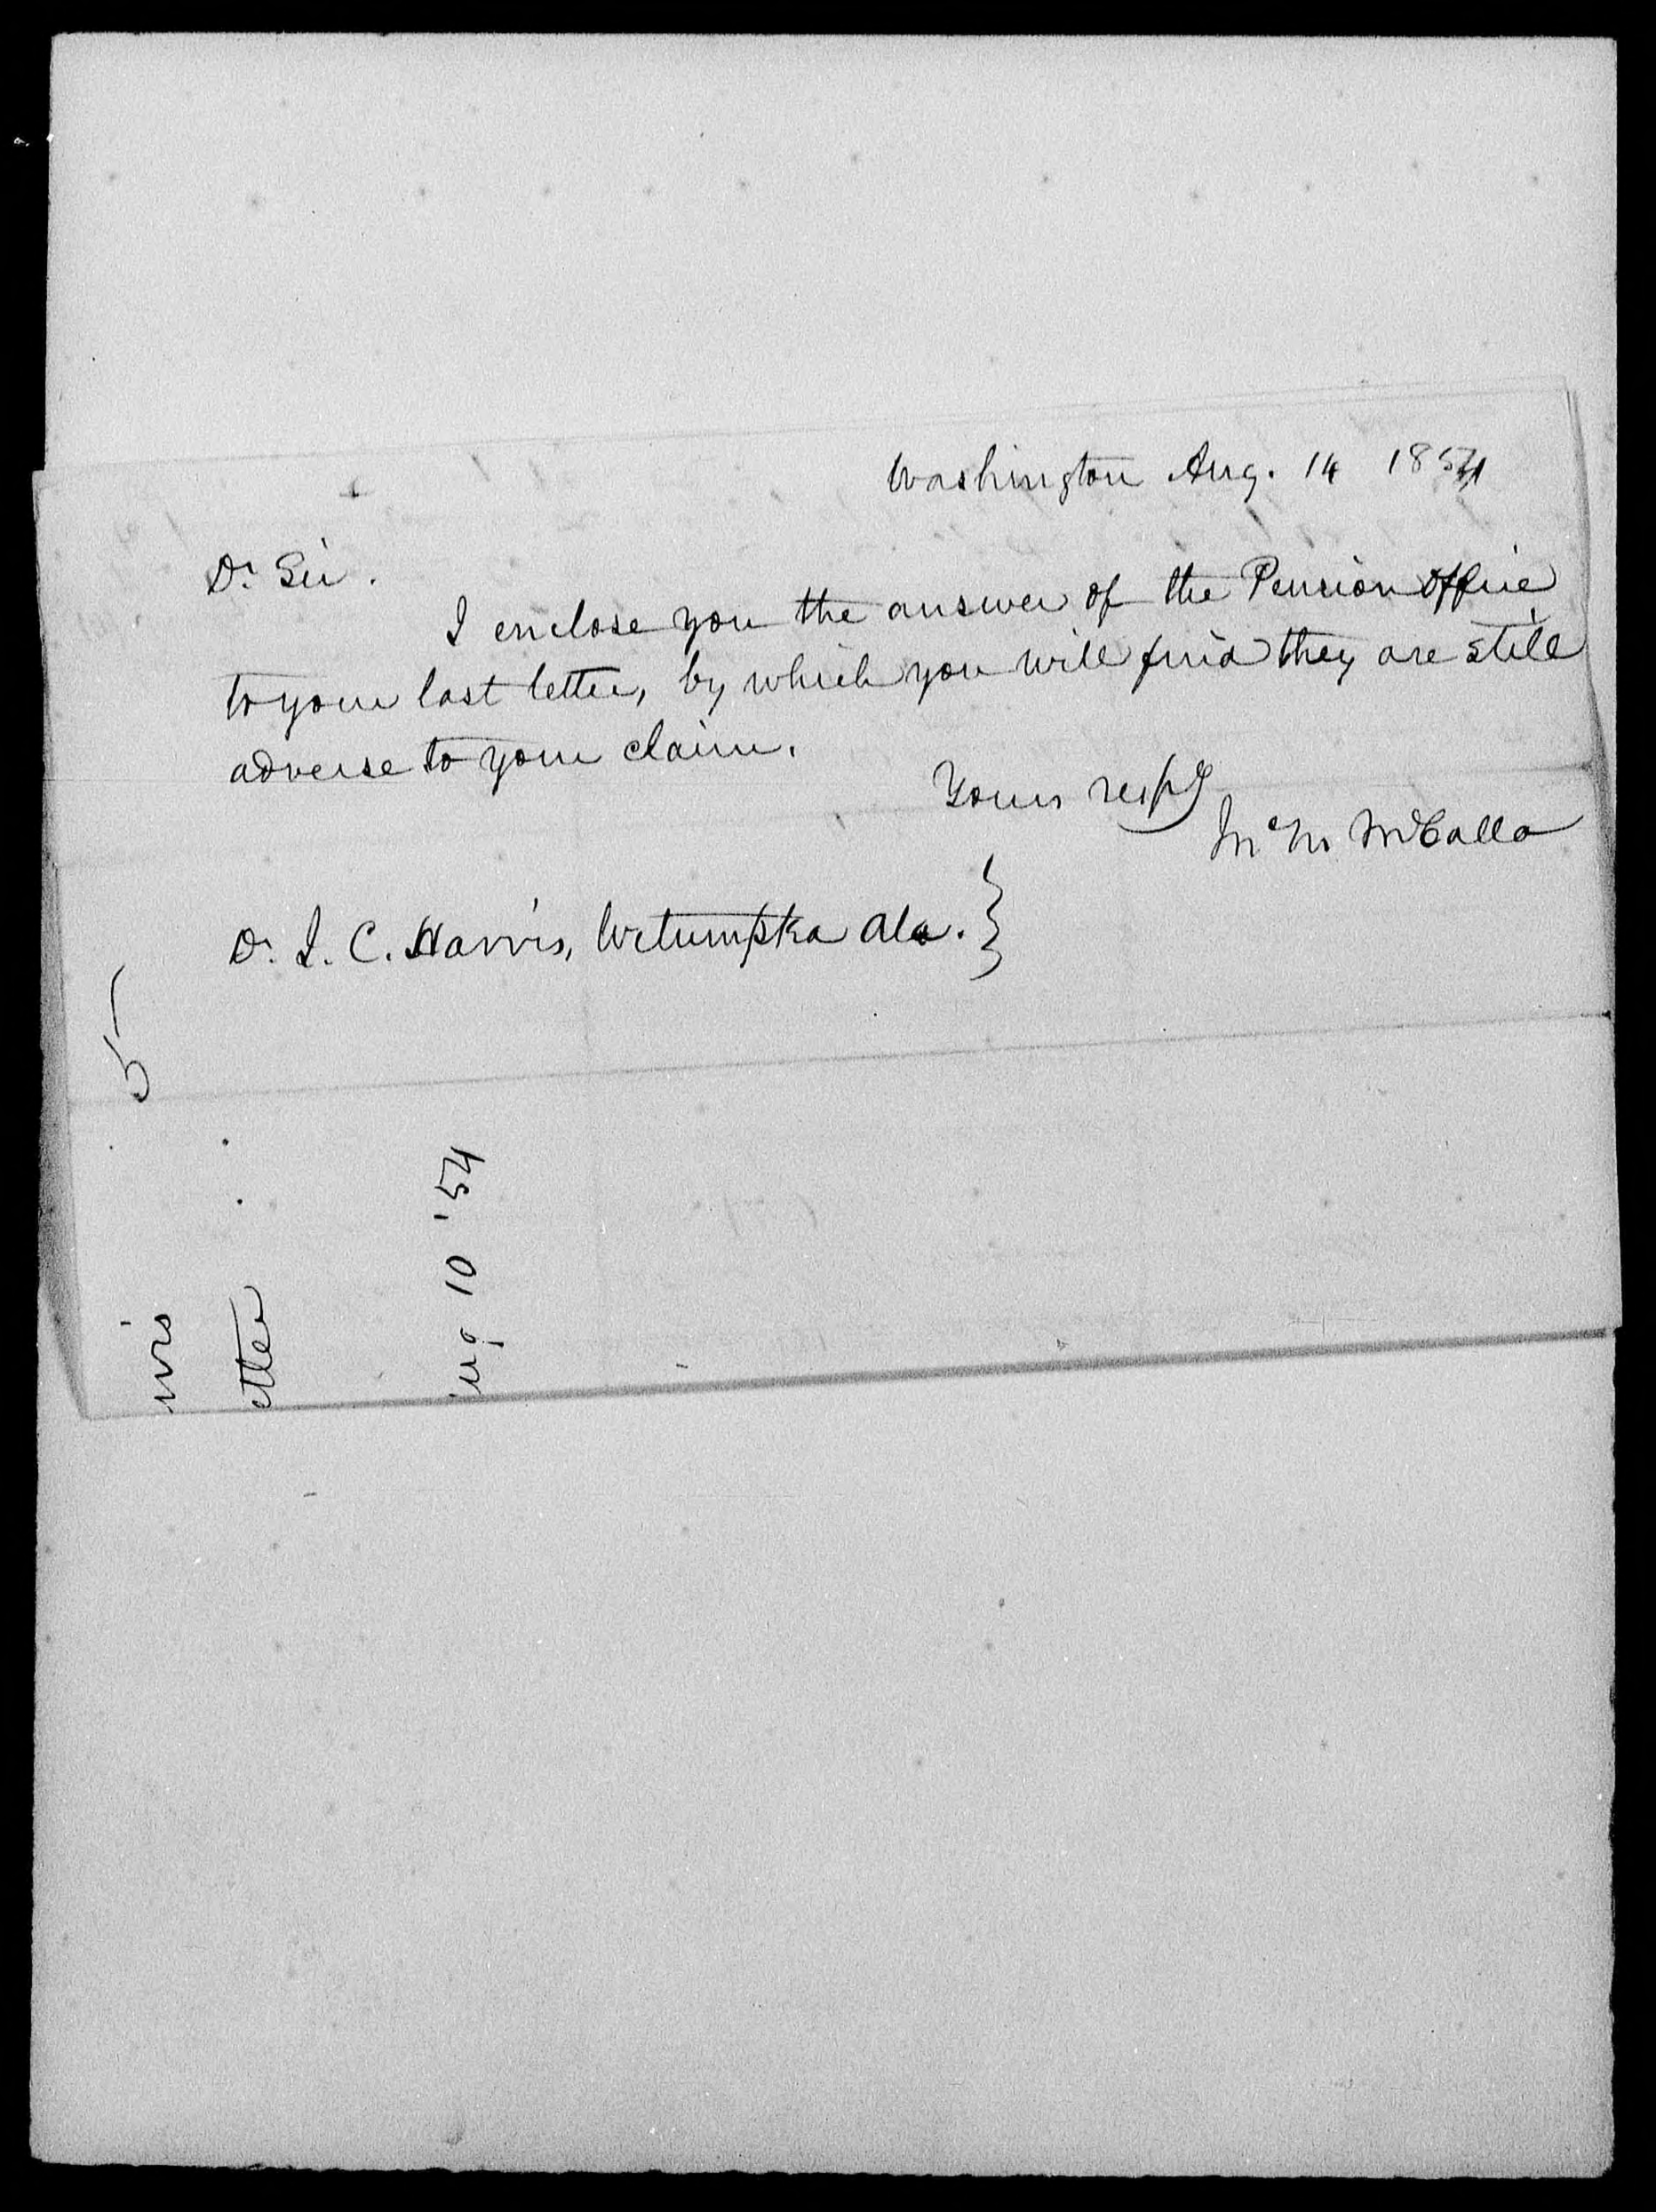Washington Aug. 14, 1854

Dr. Sir
I enclose you the answer of the Pension office to your last letter, by which you will find they are still adverse to your claim.
Yours respy
Jn. M McCalla

Dr. J. C. Harris, Wetumpka Ala. }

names: J C Harris, Jno M Mc Calla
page: 129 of 160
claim: rejected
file: R. 4666, James Harris, Va.